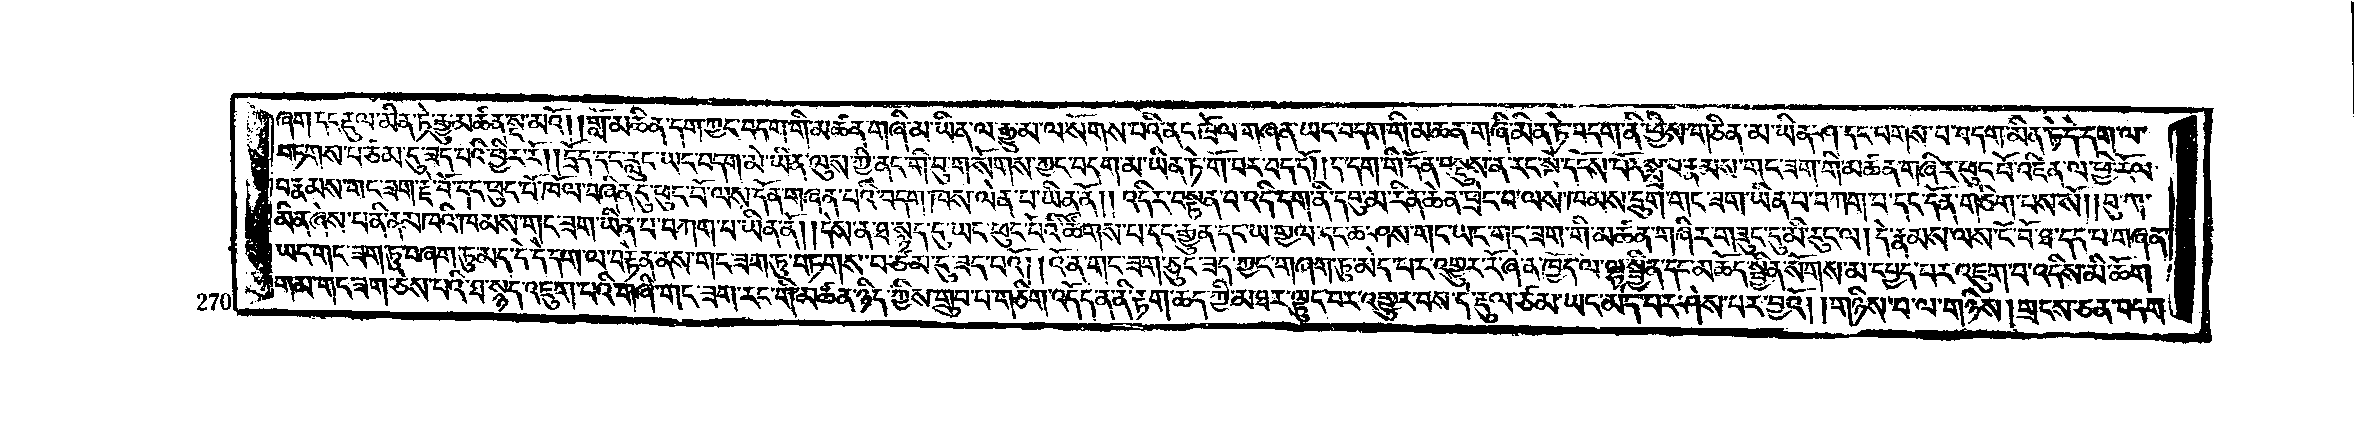ཞག་དང་རྡུལ་མིན་ཏེ་རྒྱུ་མཚན་སྔ་མའོ། །གློ་མཆིན་དག་ཀྱང་བདག་གི་མཚན་གཞི་མ་ཡིན་ལ་རྒྱུ་མ་ལ་སོགས་པའི་ནང་ཁྲོལ་གཞན་ཡང་བདག་གི་མཚན་གཞི་མིན་ཏེ་བདག་ནི་ཕྱིས་གཅིན་མ་ཡིན་ཤ་དང་པགས་པ་བདག་མིན་ཏེ་དེ་དག་ལ་
བཏགས་པ་ཙམ་དུ་ཟད་པའི་ཕྱིར་རོ། །དྲོད་དང་རླུང་ཡང་བདག་མེ་ཡིན་ལུས་ཀྱི་ནང་གི་བུ་ག་སོགས་ཀྱང་བདག་ལ་ཡིན་ཏེ་གོ་བར་བད་དོ། །དེ་དག་གི་དོན་བསྡུས་ན་རང་སྡེ་དངོས་པོར་སྨྲ་བ་རྣམས་གང་ཟག་གི་མཚན་གཞིར་ཕུང་པོ་འཛིན་ལ་ཕྱིར་རོལ་
པ་རྣམས་གང་ཟག་རྗེ་བོ་དང་ཕུང་པོ་ཁོལ་བཞིན་དུ་ཕུང་པོ་ལས་དོན་གཞན་པའི་བདག་ཁས་ལེན་པ་ཡིན་ནོ། །འདིར་བསྟན་པ་འདི་དག་ནི་དབུ་མ་རིན་ཆེན་ཕྲེང་བ་ལས་ཁམས་དྲུག་གང་ཟག་ཡིན་པ་བཀག་པ་དང་དོན་གཅིག་པས་སོ། །བུ་ཀ་
མིན་ཞེས་པ་ནི་ནམ་མཁའི་ཁམས་གང་ཟག་ཡིན་པ་བཀག་པ་ཡིན་ནོ། །དེས་ན་ཐ་སྙད་དུ་ཡང་ཕུང་པོའི་ཚོགས་པ་དང་རྒྱུན་དང་ཡ་གྱལ་དང་ཆ་ཤས་གང་ཡང་གང་ཟག་གི་མཚན་གཞིར་གཟུང་དུ་མི་རུང་ལ། དེ་རྣམས་ལས་ངོ་བོ་ཐ་དད་པ་གཞན་
ཡང་གང་ཟག་ཏུ་བཞག་ཏུ་མེད་དེ་དེ་དག་ལ་བརྟེན་ནས་གང་ཟག་ཏུ་བཏགས་པ་ཙམ་དུ་ཟད་པའོ། །འོ་ན་གང་ཟག་ཅུང་ཟད་ཀྱང་གཞག་ཏུ་མེད་པར་འགྱུར་རོ་ཞེ་ན་ཁྱོད་ལ་ལྷ་སྦྱིན་དང་མཆོད་སྦྱིན་སོགས་མ་དཔྱད་པར་འཇུག་པ་འདིས་མི་ཆོག་
གམ་གང་ཟག་ཅེས་པའི་ཐ་སྙད་འཇུག་པའི་གཞི་གང་ཟག་རང་གི་མཚན་ཉིད་ཀྱིས་གྲུབ་པ་གཅིག་འདོད་ན་ནི་རྟག་ཆད་ཀྱི་མཐར་ལྟུང་བར་འགྱུར་བས་དེ་རྡུལ་ཙམ་ཡང་མེད་ཡང་མེད་པར་ཤེས་པར་བྱའོ། །གཉིས་པ་ལ་གཉིས། གྲངས་ཅན་བདག་